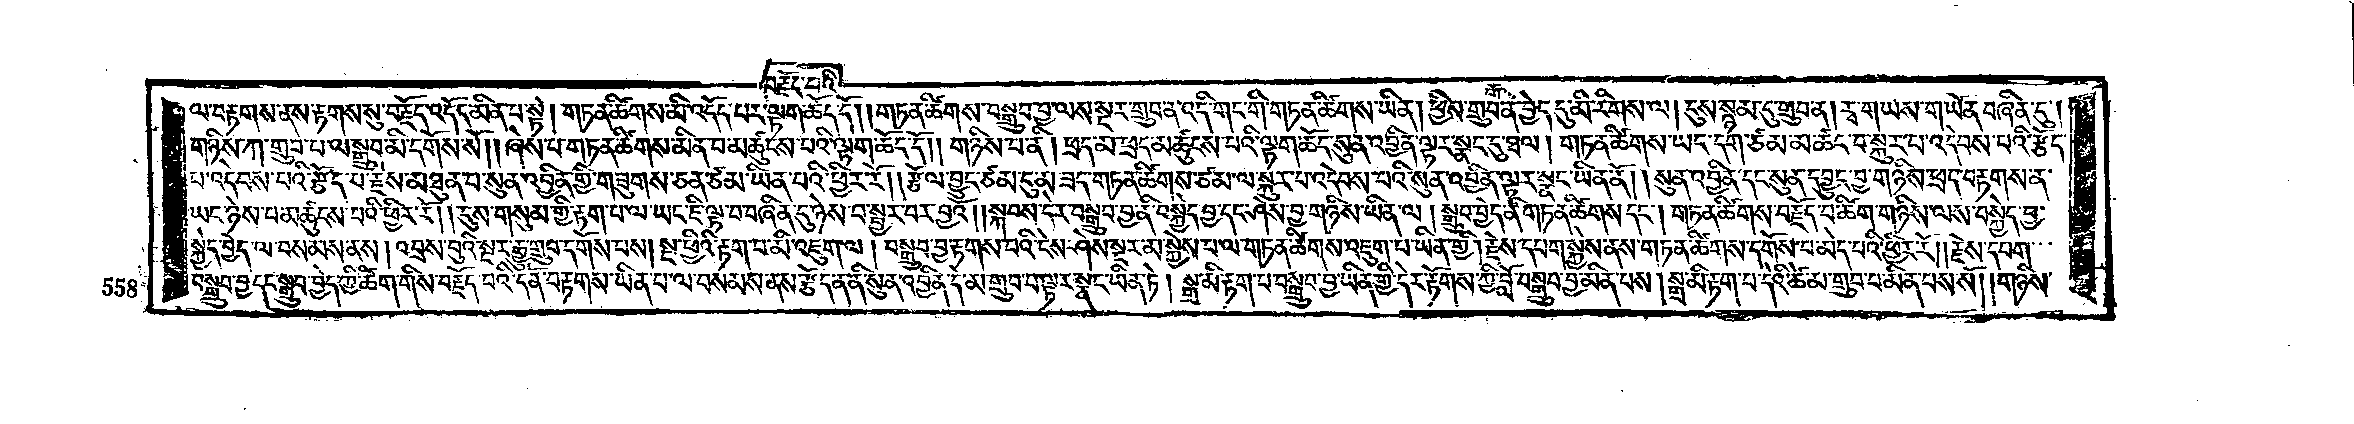ལ་བརྟགས་ནས་རྟགས་སུ་བརྗོད་འདོད་མིན་པ་སྟེ། གཏན་ཚིགས་མི་འདོད་པར་བརྗོད་པའི་ལྟག་ཆོད་དོ། །གཏན་ཚིགས་བསྒྲུབ་བྱ་ལ་སྔར་གྲུབ་ན་འདི་གང་གི་གཏན་ཚིགས་ཡིན། ཕྱིས་གྲུབ་ན་གོ་བྱེད་དུ་མི་རིགས་ལ། དུས་སྙམ་དུ་གྲུབ་ན། རྭ་གཡས་གཡོན་བཞིན་དུ།
གཉིས་ཀ་གྲུབ་པ་ལ་སྒྲུབ་མི་དགོས་སོ། །ཞེས་པ་གཏན་ཚིགས་མིན་པ་མཚུངས་པའི་ལྟག་ཆོད་དོ། །གཉིས་པ་ནི། ཕྲད་མ་ཕྲད་མཚུངས་པའི་ལྟག་ཆོད་སུམ་འབྱིན་ལྟར་སྣང་དུ་ཐལ། གཏན་ཚིགས་ཡང་དག་ཙམ་མ་ཚང་བ་སྐུར་པ་འདེབས་པའི་རྩོད་
པ་འདེབས་པའི་རྩོད་པ་རྗེས་མཐུན་པ་སུན་འབྱིན་གྱི་གཟུགས་ཅན་ཙམ་ཡིན་པའི་ཕྱིར། རྩོལ་བྱུང་ཙམ་དུ་མ་ཟད་གཏན་ཚིགས་ཙམ་ལ་སྐུར་པ་འདེབས་པའི་སུན་འབྱིན་ལྟར་སྣང་ཡིན་ནོ། །སུམ་འབྱིན་དང་སུན་དབྱུང་བྱ་གཉིས་ཕྲད་བརྟགས་ན་
ཡང་ཉེས་པ་མཚུངས་པའི་ཕྱིར་རོ། །དུས་གསུམ་གྱི་རྟག་པ་ལ་ཡང་ཇི་ལྟ་བ་བཞིན་དུ་ཉེས་པ་སྦྱར་བར་བྱའོ། །སྐབ་དེར་བསྒྲུབ་བྱ་ནི་བསྐྱེད་བྱ་དང་ཤེས་བྱ་གཉིས་ཡིན་ལ། སྒྲུབ་བྱེད་ནི་གཏན་ཚིགས་དང་། གཏན་ཚིགས་བརྗོད་པ་ཚིག་གཉིས་ལས་བསྐྱེད་བྱ་
སྐྱེད་བྱེད་ལ་བསམས་ནས། འབྲས་བུའི་སྔར་རྒྱུ་གྲུབ་དགོས་པས། སྔ་ཕྱིའི་རྟག་པ་མི་འཇུག་ལ། བསྒྲུབ་བྱ་རྟགས་པའི་ངེས་ཤེས་སྔར་མ་སྐྱེས་པ་ལ་གཏན་ཚིགས་འཇུག་པ་ཡིན་གྱི། རྗེས་དཔག་སྐྱེས་ནས་གཏན་ཚིགས་དགོས་པ་མེད་པའི་ཕྱིར། །རྗེས་དཔག་
བསྒྲུབ་བྱ་དང་སྒྲུབ་བྱེད་ཀྱི་ཚིག་གིས་བརྗོད་པའི་དོན་བརྟགས་ཡིན་པ་ལ་བསམས་ནས་རྩོད་ན་ནི་སུན་འབྱིན་དེ་མ་གྲུབ་པ་ལྟར་སྣང་ཡིན་ཏེ། སྒྲ་མི་རྟག་པ་བསྒྲུབ་བྱ་ཡིན་གྱི་དེར་རྟོགས་ཀྱི་བློ་བསྒྲུབ་བྱ་མིན་པས། སྒྲ་མི་རྟག་པ་དེའི་ཚེ་མ་གྲུབ་པ་མིན་པས་སོ། །གཉིས་